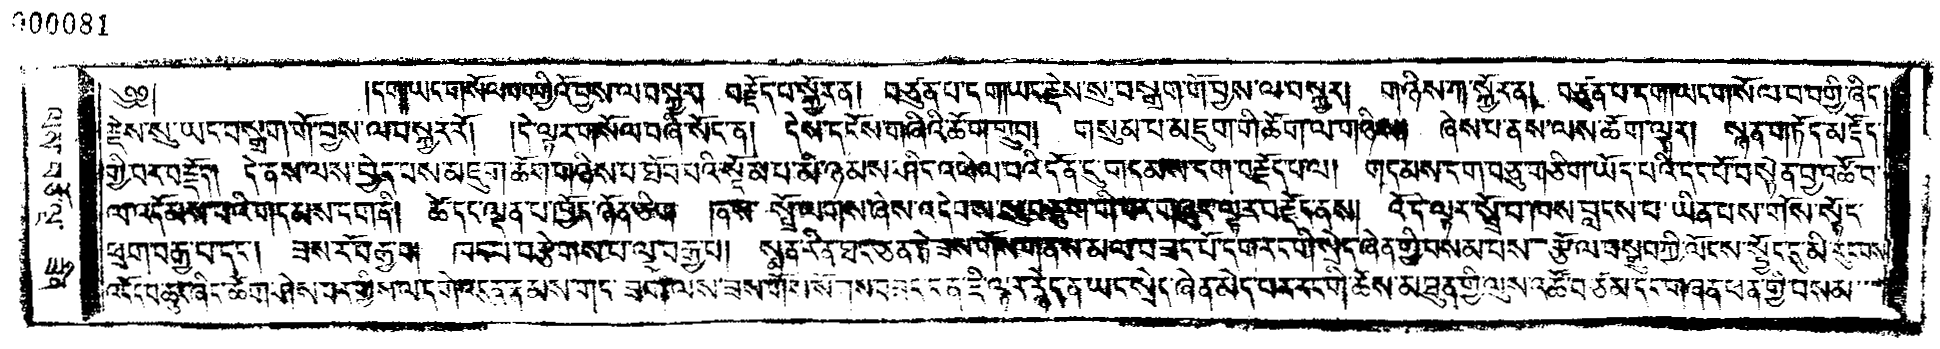༄༅། །དག །ཡང་གསོལ་བ་བགྱིའོ་བྱས་ལ་བསྐྱར། བརྗོད་པ་སྐྱོར་ན། བཙུན་པ་དག །ཡང་རྗེས་སུ་བསྒྲག་གོ་བྱས་ལ་བསྐྱར། གཉིས་ཀ་སྐྱོར་ན། བཙུན་པ་དག །ཡང་གསོལ་བ་བགྱི་ཞིང་
རྗེས་སུ་ཡང་བསྒྲག་གོ་བྱས་ལ་བསྐྱར་རོ། །དེ་ལྟར་གསོལ་བཞི་སོང་ན། དེས་དངོས་གཞིའི་ཆོ་ག་གྲུབ། གསུམ་པ་མཇུག་གི་ཆོག་ལ་གཉིས། ཞེས་པ་ནས་ལས་ཆོག་ལྟར། སྙན་གཏོད་མཛོད་
གྱི་བར་བརྗོད། དེ་ནས་ལས་བྱེད་པས་མཇུག་ཆོག་གཉིས་པ་ཐོབ་པའི་སྡོམ་པ་མི་ཉམས་ཤིང་འཕེལ་བའི་དོན་དུ་གདམས་ངག་བརྗོད་པ་ལ། གདམས་ངག་བཅུ་གཅིག་ཡོད་པའི་དང་པོ་བསྟེན་བྱ་འཚོ་བ་
ལ་འདོམས་པའི་གདམས་ངག་ནི། ཚེ་དང་ལྡན་པ་ཁྱོད་ཉོན་ཅིག །ནས་སྤྲོ་ལགས་ཞེས་འདེབས་སུ་བཅུག་གི་བར་གཞུང་ལྟར་བརྗོད་ནས། འོ་དེ་ལྟར་སྤྲོ་བ་ཁས་བླངས་པ་ཡིན་པས་གོས་སྟོང་
ཕྲག་བརྒྱ་པ་དང་། ཟས་རོ་བརྒྱ་པ། ཁང་པ་བརྩེགས་པ་ལྔ་བརྒྱ་པ། སྨན་རིན་ཐང་ཅན་ཏེ་ཟས་གོས་གནས་མལ་བཟང་པོ་དག་རང་གི་སྲེད་ཞེན་གྱི་བསམ་པས་རྩོལ་བསྒྲུབ་ཀྱི་ལོངས་སྤྱོད་དུ་མི་རུང་བས་
འདོད་པ་ཆུང་ཞིང་ཆོག་ཤེས་པར་གྱིས་ལ་དགེ་འདུན་རྣམས་གང་ཟག་ལས་ཟས་གོས་སོགས་བཟང་ངན་ཇི་ལྟར་རྙེད་ན་ཡང་སྲེད་ཞེན་མེད་པར་རང་གི་ཆོས་མཐུན་གྱི་ལུས་འཚོ་བ་ཙམ་དང་གཞན་ཕན་གྱི་བས་